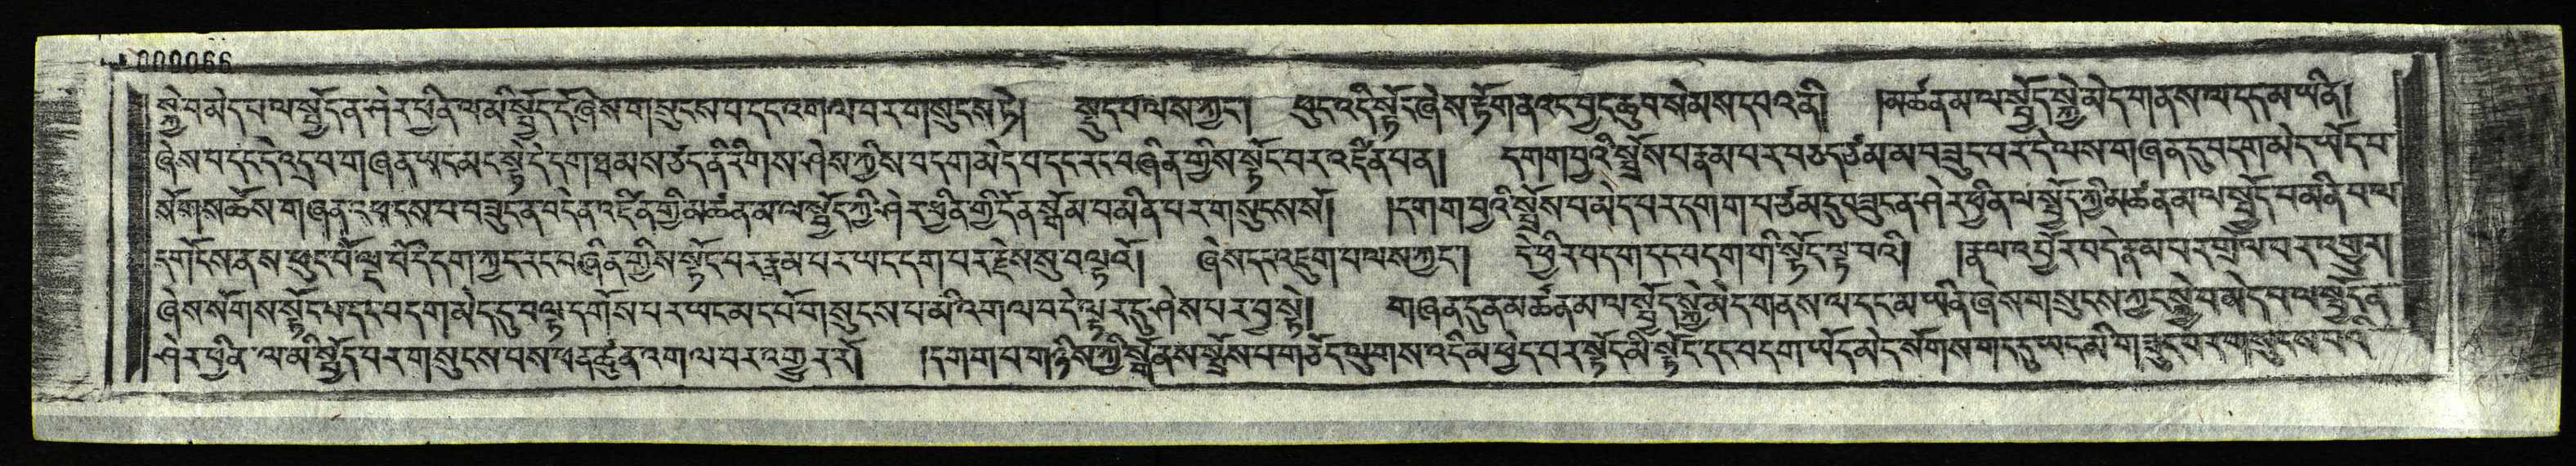སྐྱེ་བ་མེད་པ་ལ་སྤྱོད་ན་ཤེར་ཕྱིན་ལ་མི་སྤྱོད་དོ་ཞེས་གསུངས་པ་དང་འགལ་བར་གསུངས་ཏེ། སྡུད་པ་ལས་ཀྱང་། ཕུང་འདི་སྟོང་ཞེས་རྟོག་ནའང་བྱང་ཆུབ་སེམས་དཔའ་ནི། །མཚན་མ་ལ་སྤྱོད་སྐྱེ་མེད་གནས་ལ་དད་མ་ཡིན། །
ཞེས་པ་དང་དེ་འདྲ་བ་གཞན་ཡང་མང་སྟེ་དེ་དག་ཐམས་ཅད་ནི་རིགས་ཤེས་ཀྱིས་བདག་མེད་པ་དང་རང་བཞིན་གྱིས་སྟོང་པར་འཛིན་པ་ན། དགག་བྱའི་སྤྲོས་པ་རྣམ་པར་བཅད་ཙམ་མ་བཟུང་བར་དེ་ལས་གཞན་དུ་བདག་མེད་ཡོད་པ་
སོགས་ཆོས་གཞན་འཕངས་པ་བཟུང་ན་བདེན་འཛིན་གྱི་མཚན་མ་ལ་སྤྱོད་ཀྱི་ཤེར་ཕྱིན་གྱི་དོན་སྒོམ་པ་མིན་པར་གསུངས་སོ། །དགག་བྱའི་སྤྲོས་པ་མེད་པར་དགག་པ་ཙམ་དུ་བཟུང་ན་ཤེར་ཕྱིན་ལ་སྤྱོད་ཀྱི་མཚན་མ་ལ་སྤྱོད་པ་མིན་པ་ལ་
དགོངས་ནས་ཕུང་པོ་ལྔ་པོ་དེ་དག་ཀྱང་རང་བཞིན་གྱིས་སྟོང་པར་རྣམ་པར་ཡང་དག་པར་རྗེས་སུ་བལྟའོ། ཞེས་དང་འཇུག་པ་ལས་ཀྱང་། དེ་ཕྱིར་བདག་དང་བདག་གི་སྟོང་ལྟ་བའི། །རྣལ་འབྱོར་བ་དེ་རྣམ་པར་གྲོལ་བར་འགྱུར།
ཞེས་སོགས་སྟོང་པ་དང་བདག་མེད་དུ་བལྟ་དགོས་པར་ཡང་མང་པོ་གསུངས་པ་མི་འགལ་བ་དེ་ལྟར་དུ་ཤེས་པར་བྱ་སྟེ། གཞན་དུ་ན་མཚན་མ་ལ་སྤྱོད་སྐྱེ་མེད་གནས་ལ་དང་མ་ཡིན་ཞེས་གསུངས་ཀྱང་སྐྱེ་བ་མེད་པ་ལ་སྤྱོད་ན་
ཤེར་ཕྱིན་ལ་མི་སྤྱོད་པར་གསུངས་པས་ཕན་ཚུན་འགལ་བར་འགྱུར་རོ། །དགག་པ་གཉིས་ཀྱི་སྒོ་ནས་སྤྲོས་པ་གཅོད་ལུགས་འདི་མ་ཕྱེད་བར་སྟོད་མི་སྟོང་དང་བདག་ཡོད་མེད་སོགས་གང་དུ་ཡང་མི་གཟུང་བར་གསུངས་པའི་